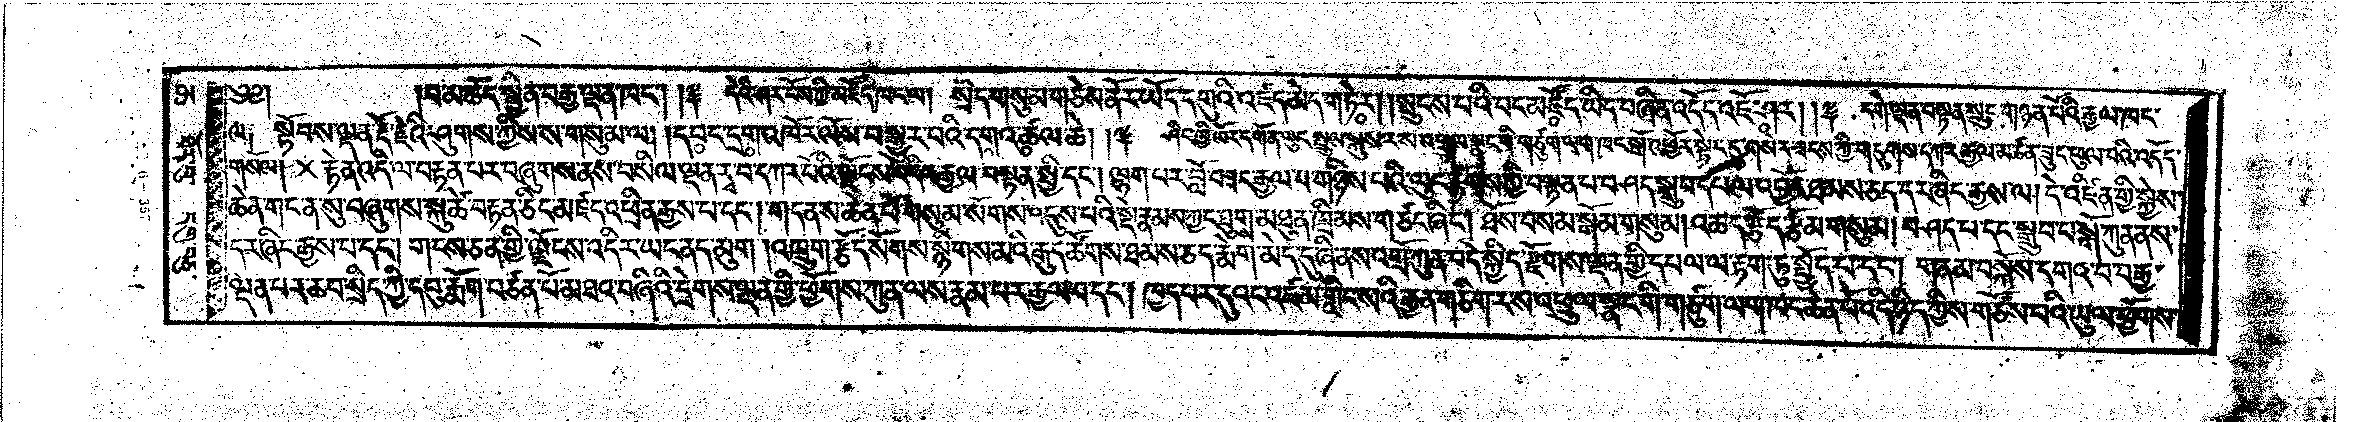༄༅། །བ་མཆོད་སྦྱིན་བརྒྱ་ལྡན་ཁང་། །༈ དེའི་ཤར་ངོས་ཀྱི་མཛོད་ཁང་ལ།  སྲིད་གསུམ་གཅེས་ནོར་ཡོད་དགུའི་འཛད་མེད་གཏེར྾། །སྤུངས་པའི་བང་མཛོད྾་ཡིད་བཞིན་འདོད་འཇོ་ཤར྾། །༈ དགེ་ལྡན་བསྟན་སྲུང་གཉན་པོའི་རྒྱལ་ཁང་
ལ༑ སྟོབས་ལྡན་རྡོ་རྗེའི་ཤུགས་ཀྱིས་ས་གསུམ་ལ། །དབང྾་དྲག྾་འཁོར་ལོས་བསྒྱུར་པའི་དགའ྾་ཚལ྾་ཆེ། །༈ ཤིང་ཁྱི་ལོར་དགོན་ལུང་སྤྲུལ་སྐུས་རས་འཕྲུལ་སྣང་གི་གཙུག་ལག་ཁང་སྒོ་འཕྱོར་སྟེང་དུ་གསེར་ཟངས་ཀྱི་གདུགས་དཀའ་རྒྱལ་མཚན་ཟུང་ཕུལ་བའི་འདོད་
གསོས། ྾་རྟེན་འདི་ལ་བརྟན་པར་བཞུགས་ནས་བསིལ་ལྡན་རྭ་བ་དཀར་པོའི་ལྗོངས་དེ་དིར་རྒྱལ་བསྟན་སྤྱི་དང་། ལྷག་པར་བློ་བཟང་རྒྱལ་པ་གཉིས་པའི་ལུང་རྟོགས་ཀྱི་བསྟན་པ་བཤད་སྒྲུབ་དཔལ་འབྱོར་ཐམས་ཅད་དར་ཞིང་རྒྱས་ལ། དེ་འཛིན་གྱི་སྐྱེས་
ཆེན་གང་ན་སུ་བཞུགས་སྐུ་ཚེ་བརྟན་ཅིང་མཛད་འཕྲིན་རྒྱས་པ་དང་། གདན་ས་ཆེན་པོ་གསུམ་སོགས་འདུས་པའི་སྡེ་རྣམས་ཀྱང་ཐུགས་མཐུན་ཁྲིམས་གཙང་ཞིང་། ཐོས་བསམ་སྒོམ་གསུམ། འཆད་རྩོད་རྩོམ་གསུམ། བཤད་པ་དང་སྒྲུབ་པ་སྒོ་ཀུན་ནས་
དར་ཞིང་རྒྱས་པ་དང་། གངས་ཅན་གྱི་ལྗོངས་འདིར་ཡང་ནད་མུག །འཁྲུག་རྩོད་སོགས་སྙིགས་མའི་རྒུད་ཚོགས་ཐམས་ཅད་རྨེག་མེད་དུ་ཞི་ནས་འགྲོ་ཀུན་བདེ་སྐྱིད་རྫོགས་ལྡན་གྱི་དཔལ་ལ་རྟག་ཏུ་སྤྱོད་པ་དང་། གནམ་བསྐོས་དགའ་བ་བརྒྱ་
ལྡན་པར་ཆབ་སྲིད་ཀྱི་དབུ་རྨོག་བཙན་པོ་མཐའ་བཞིའི་དྲེགས་ལྡན་གྱི་ཕྱོགས་ཀུན་ལས་རྣམ་པར་རྒྱལ་བ་དང་། ཁྱད་པར་དུའང་འཛམ་གླིང་སའི་རྒྱན་གཅིག་ར་ས་འཕྲུལ་སྣང་གི་གཙུག་ལག་ཁང་ཆེན་པོ་འདི་ཉིད་ཀྱིས་གཙོས་པའི་ཡུལ་ཕྱོགས་